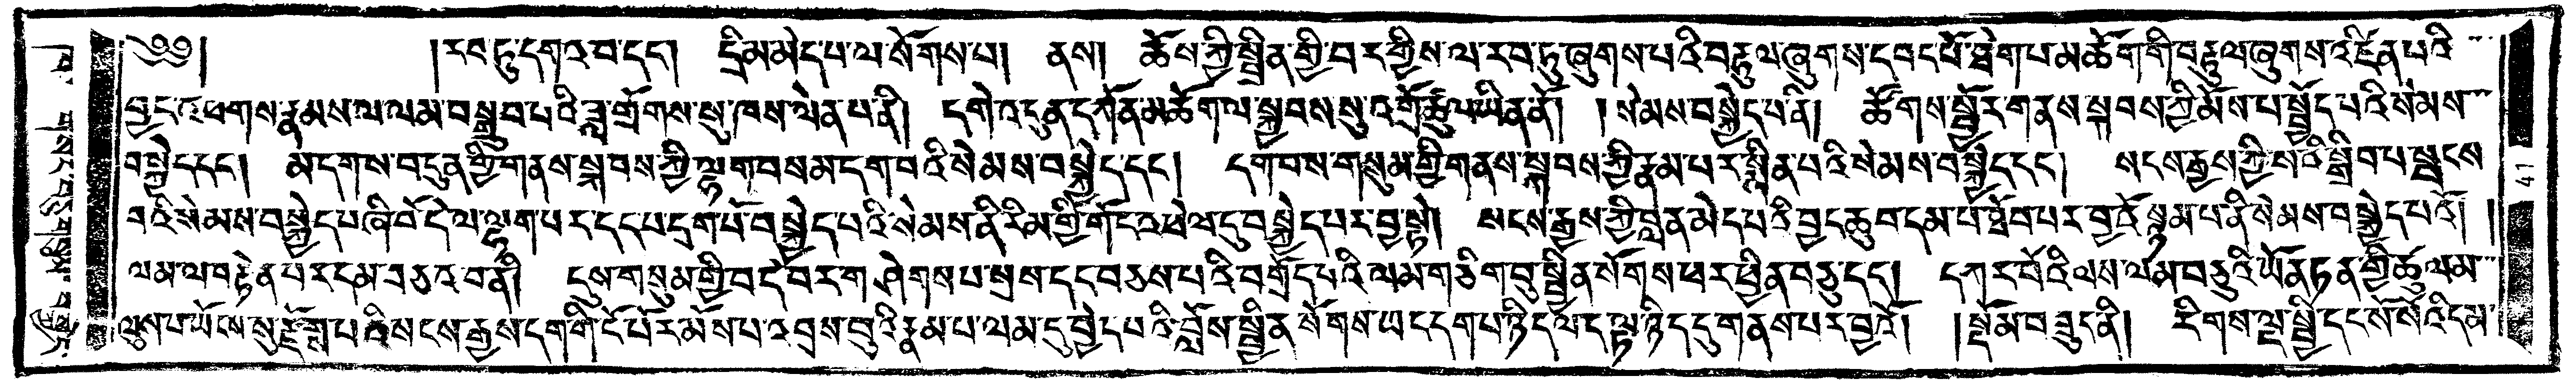༄༅། །རབ་ཏུ་དགའ་བ་དང་། དྲི་མ་མེད་པ་ལ་སོགས་པ། ནས། ཆོས་ཀྱི་སྤྲིན་གྱི་བར་གྱིས་ལ་རབ་ཏུ་ཞུགས་པའི་བརྟུལ་ཞུགས་དབང་པོ་ཐེག་པ་མཆོག་གི་བརྟུལ་ཞུགས་འཛིན་པའི་
བྱང་འཕགས་རྣམས་ལ་ལམ་བསྒྲུབ་པའི་ཟླ་གྲོགས་སུ་ཁས་ལེན་པ་ནི། དགེ་འདུན་དཀོན་མཆོག་ལ་སྐྱབས་སུ་འགྲོ་ཚུལ་ཡིན་ནོ། །སེམས་བསྐྱེད་པ་ནི། ཚོགས་སྦྱོར་གནས་སྐབས་ཀྱི་མོས་པ་སྤྱོད་པའི་སེམས་
བསྐྱེད་དང་། མ་དག་ས་བདུན་གྱི་གནས་སྐབས་ཀྱི་ལྷག་བསམ་དག་པའི་སེམས་བསྐྱེད་དང་། དག་པས་གསུམ་གྱི་གནས་སྐབས་ཀྱི་རྣམ་པར་སྨིན་པའི་སེམས་བསྐྱེད་དང་། སངས་རྒྱས་ཀྱི་སའི་སྒྲིབ་པ་སྤངས་
བའི་སེམས་བསྐྱེད་བཞི་བོ་དེ་ལ་ལྷག་པར་དད་པ་དྲག་པོ་བསྐྱེད་པའི་སེམས་ནི་རིམ་གྱི་གོང་འཕེལ་དུ་བསྐྱེད་པར་བྱ་སྟེ། སངས་རྒྱས་ཀྱི་བླ་ན་མེད་པའི་བྱང་ཆུབ་དམ་པ་ཐོབ་པར་བྱའོ་སྙམ་པ་ནི་སེམས་བསྐྱེད་པའོ། །
ལམ་ལ་བརྟེན་པར་དམ་བཅའ་བ་ནི། དུས་གསུམ་གྱི་བདེ་བར་གཤེགས་པ་སྲས་དང་བཅས་པའི་བགྲོད་པའི་ལམ་གཅིག་པུ་སྦྱིན་སོགས་ཕར་ཕྱིན་བཅུ་དང་། དཀར་པོའི་ལས་ལམ་བཅུའི་ཡོན་ཏན་གྱི་ཚུལ་མ་
ལུས་པ་ཡོངས་སུ་རྫོགས་པའི་སངས་རྒྱས་དག་གི་ངོ་བོར་མོས་པ་འབྲས་བུའི་རྣམ་པ་ལམ་དུ་བྱེད་པའི་བློས་སྦྱིན་སོགས་ཡང་དག་པ་ཉིད་ལ་ད་ལྟ་ཉིད་དུ་གནས་པར་བྱའོ། །སྡོམ་བཟུང་ནི། རིགས་ལྔ་སྤྱི་དང་སོ་སོའི་དམ་